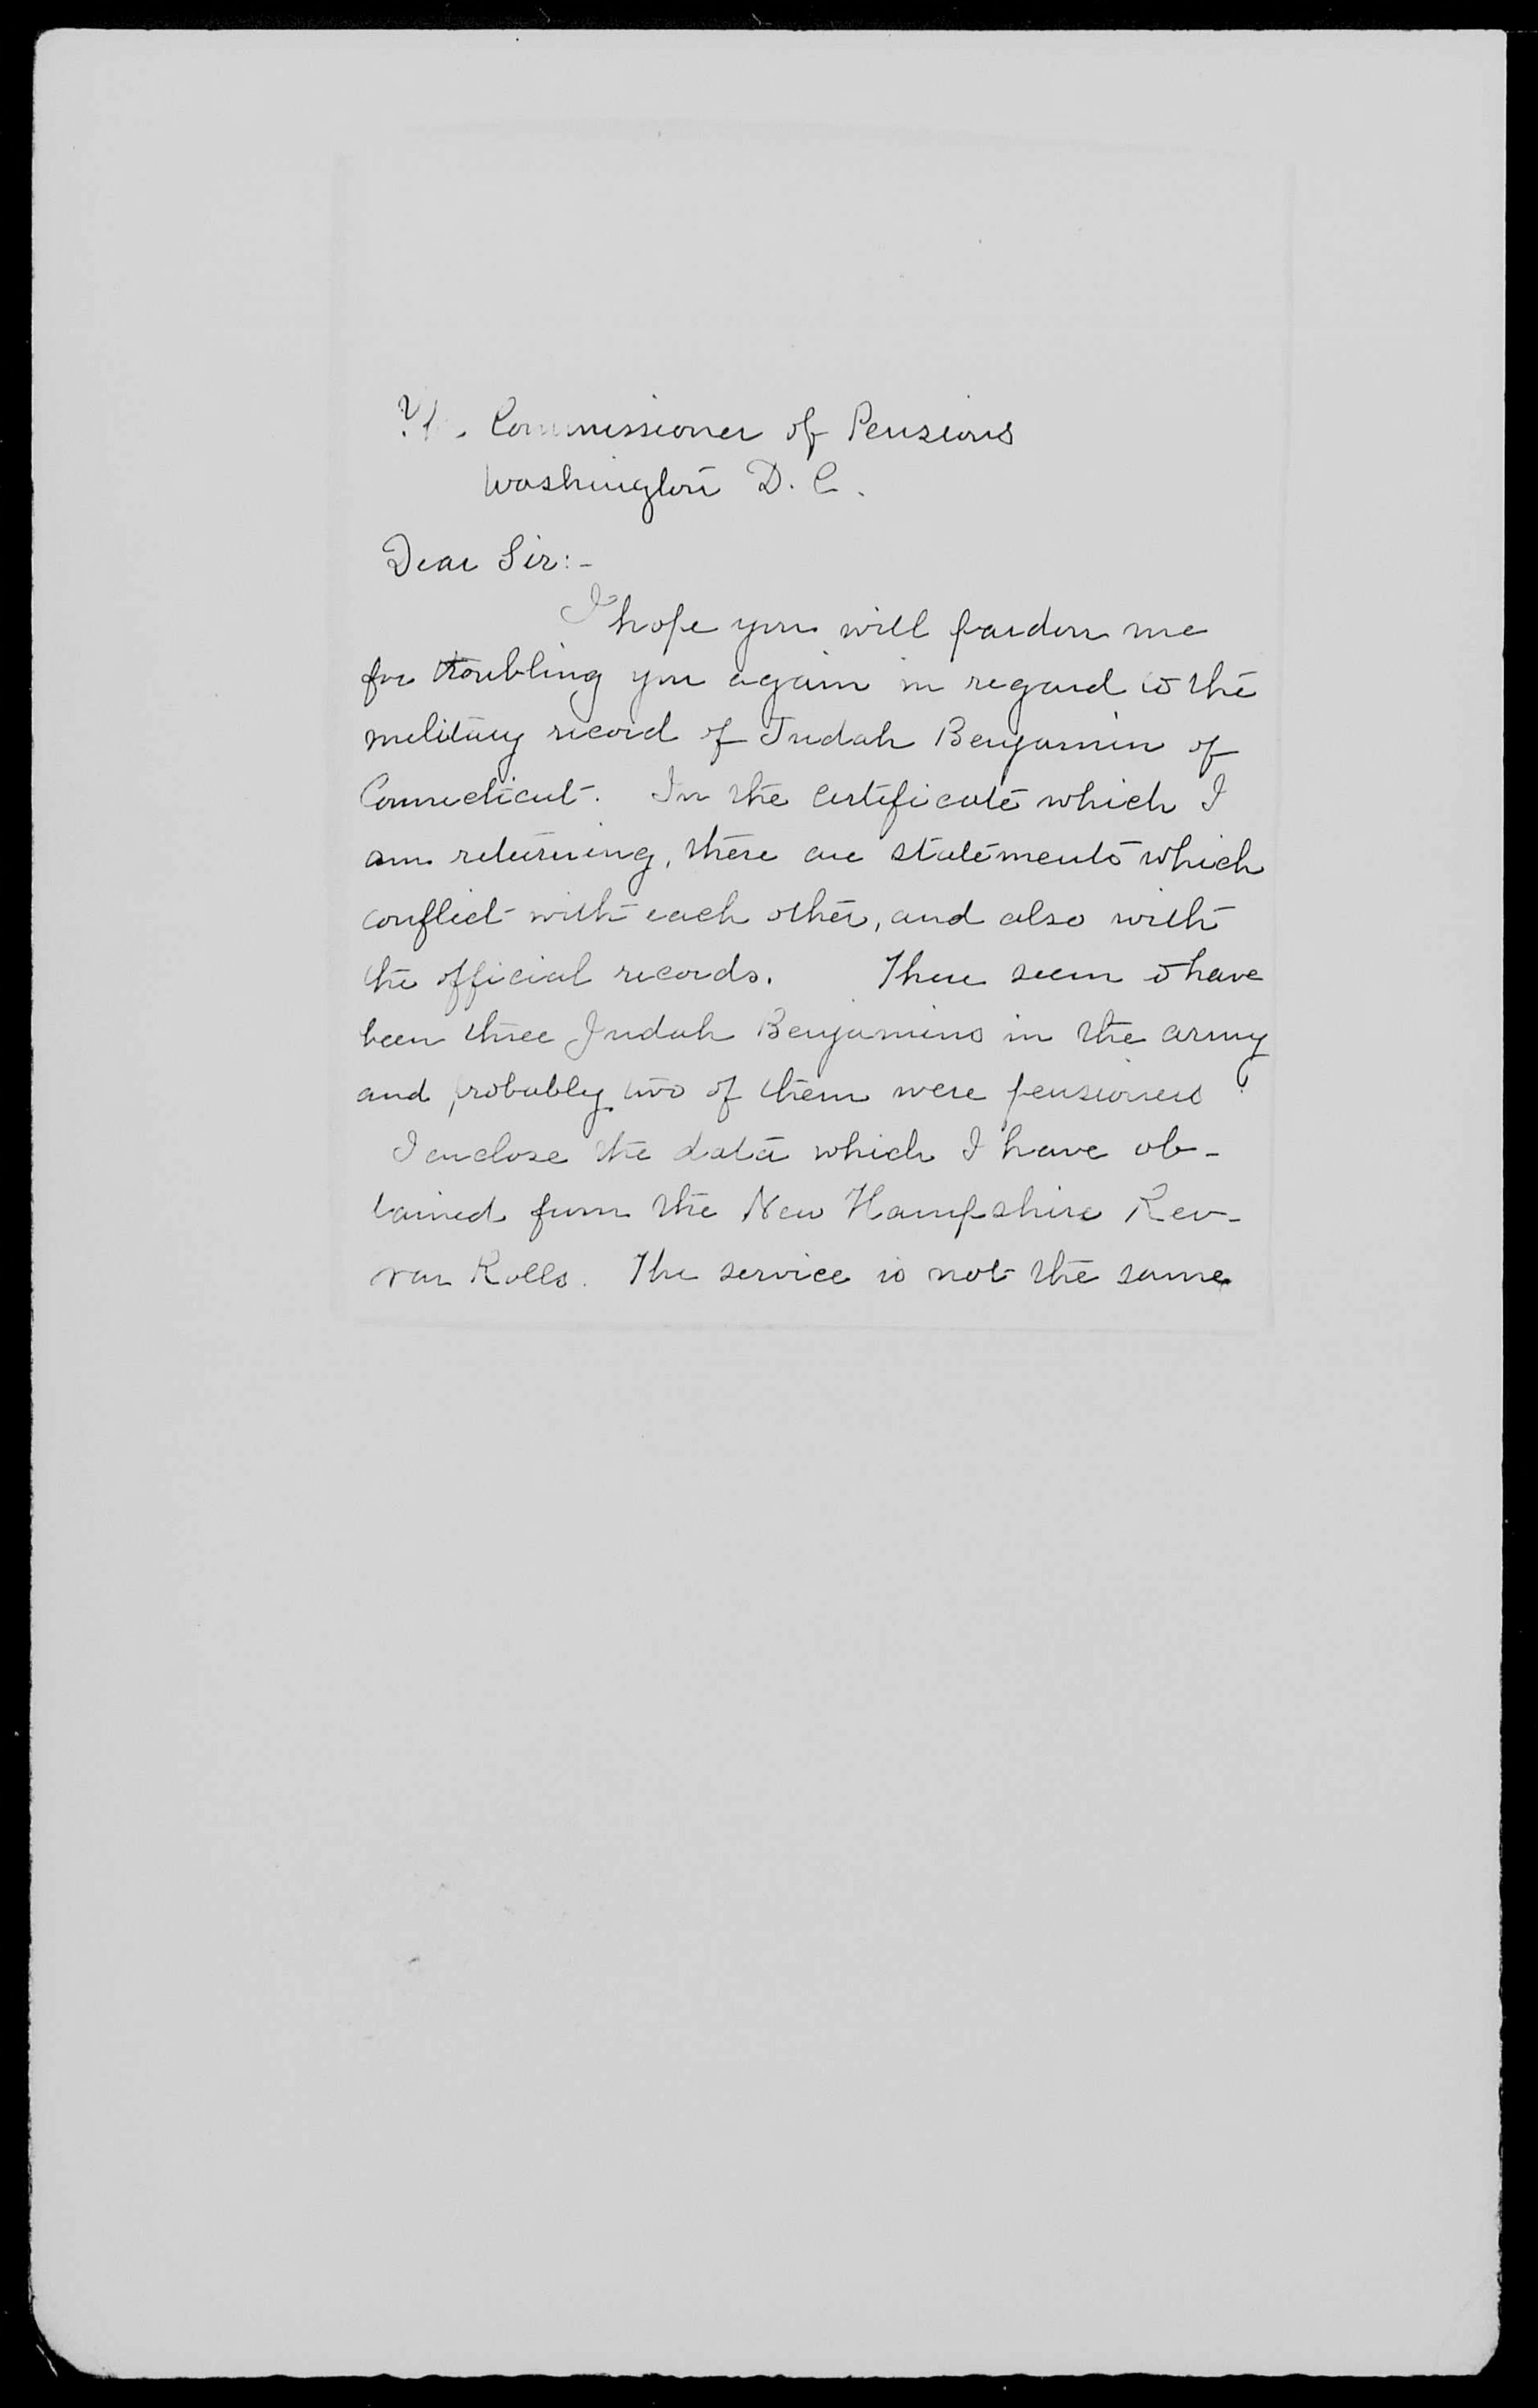Commissioner of Pensions
Washington D.C
Dear Sir:-
I hope you will pardon me for troubling you again in regard to the military record of Judah Benjamin of Connecticut.  In the certificate which I am returning, there are statements which conflict with each other, and also with the official records.  There seem to have been three Judah Benjamins in the army and probably two of them were pensioners
I enclose the data which I have obtained from the New Hampshire Rev. war Rolls. The service is not the same
[end of page]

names: Judah Benjamin, Judah Benjamins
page: 24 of 34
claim: survivor's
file: S. 39981, Judah Benjamin, Continental (N. H. And N. Y.)